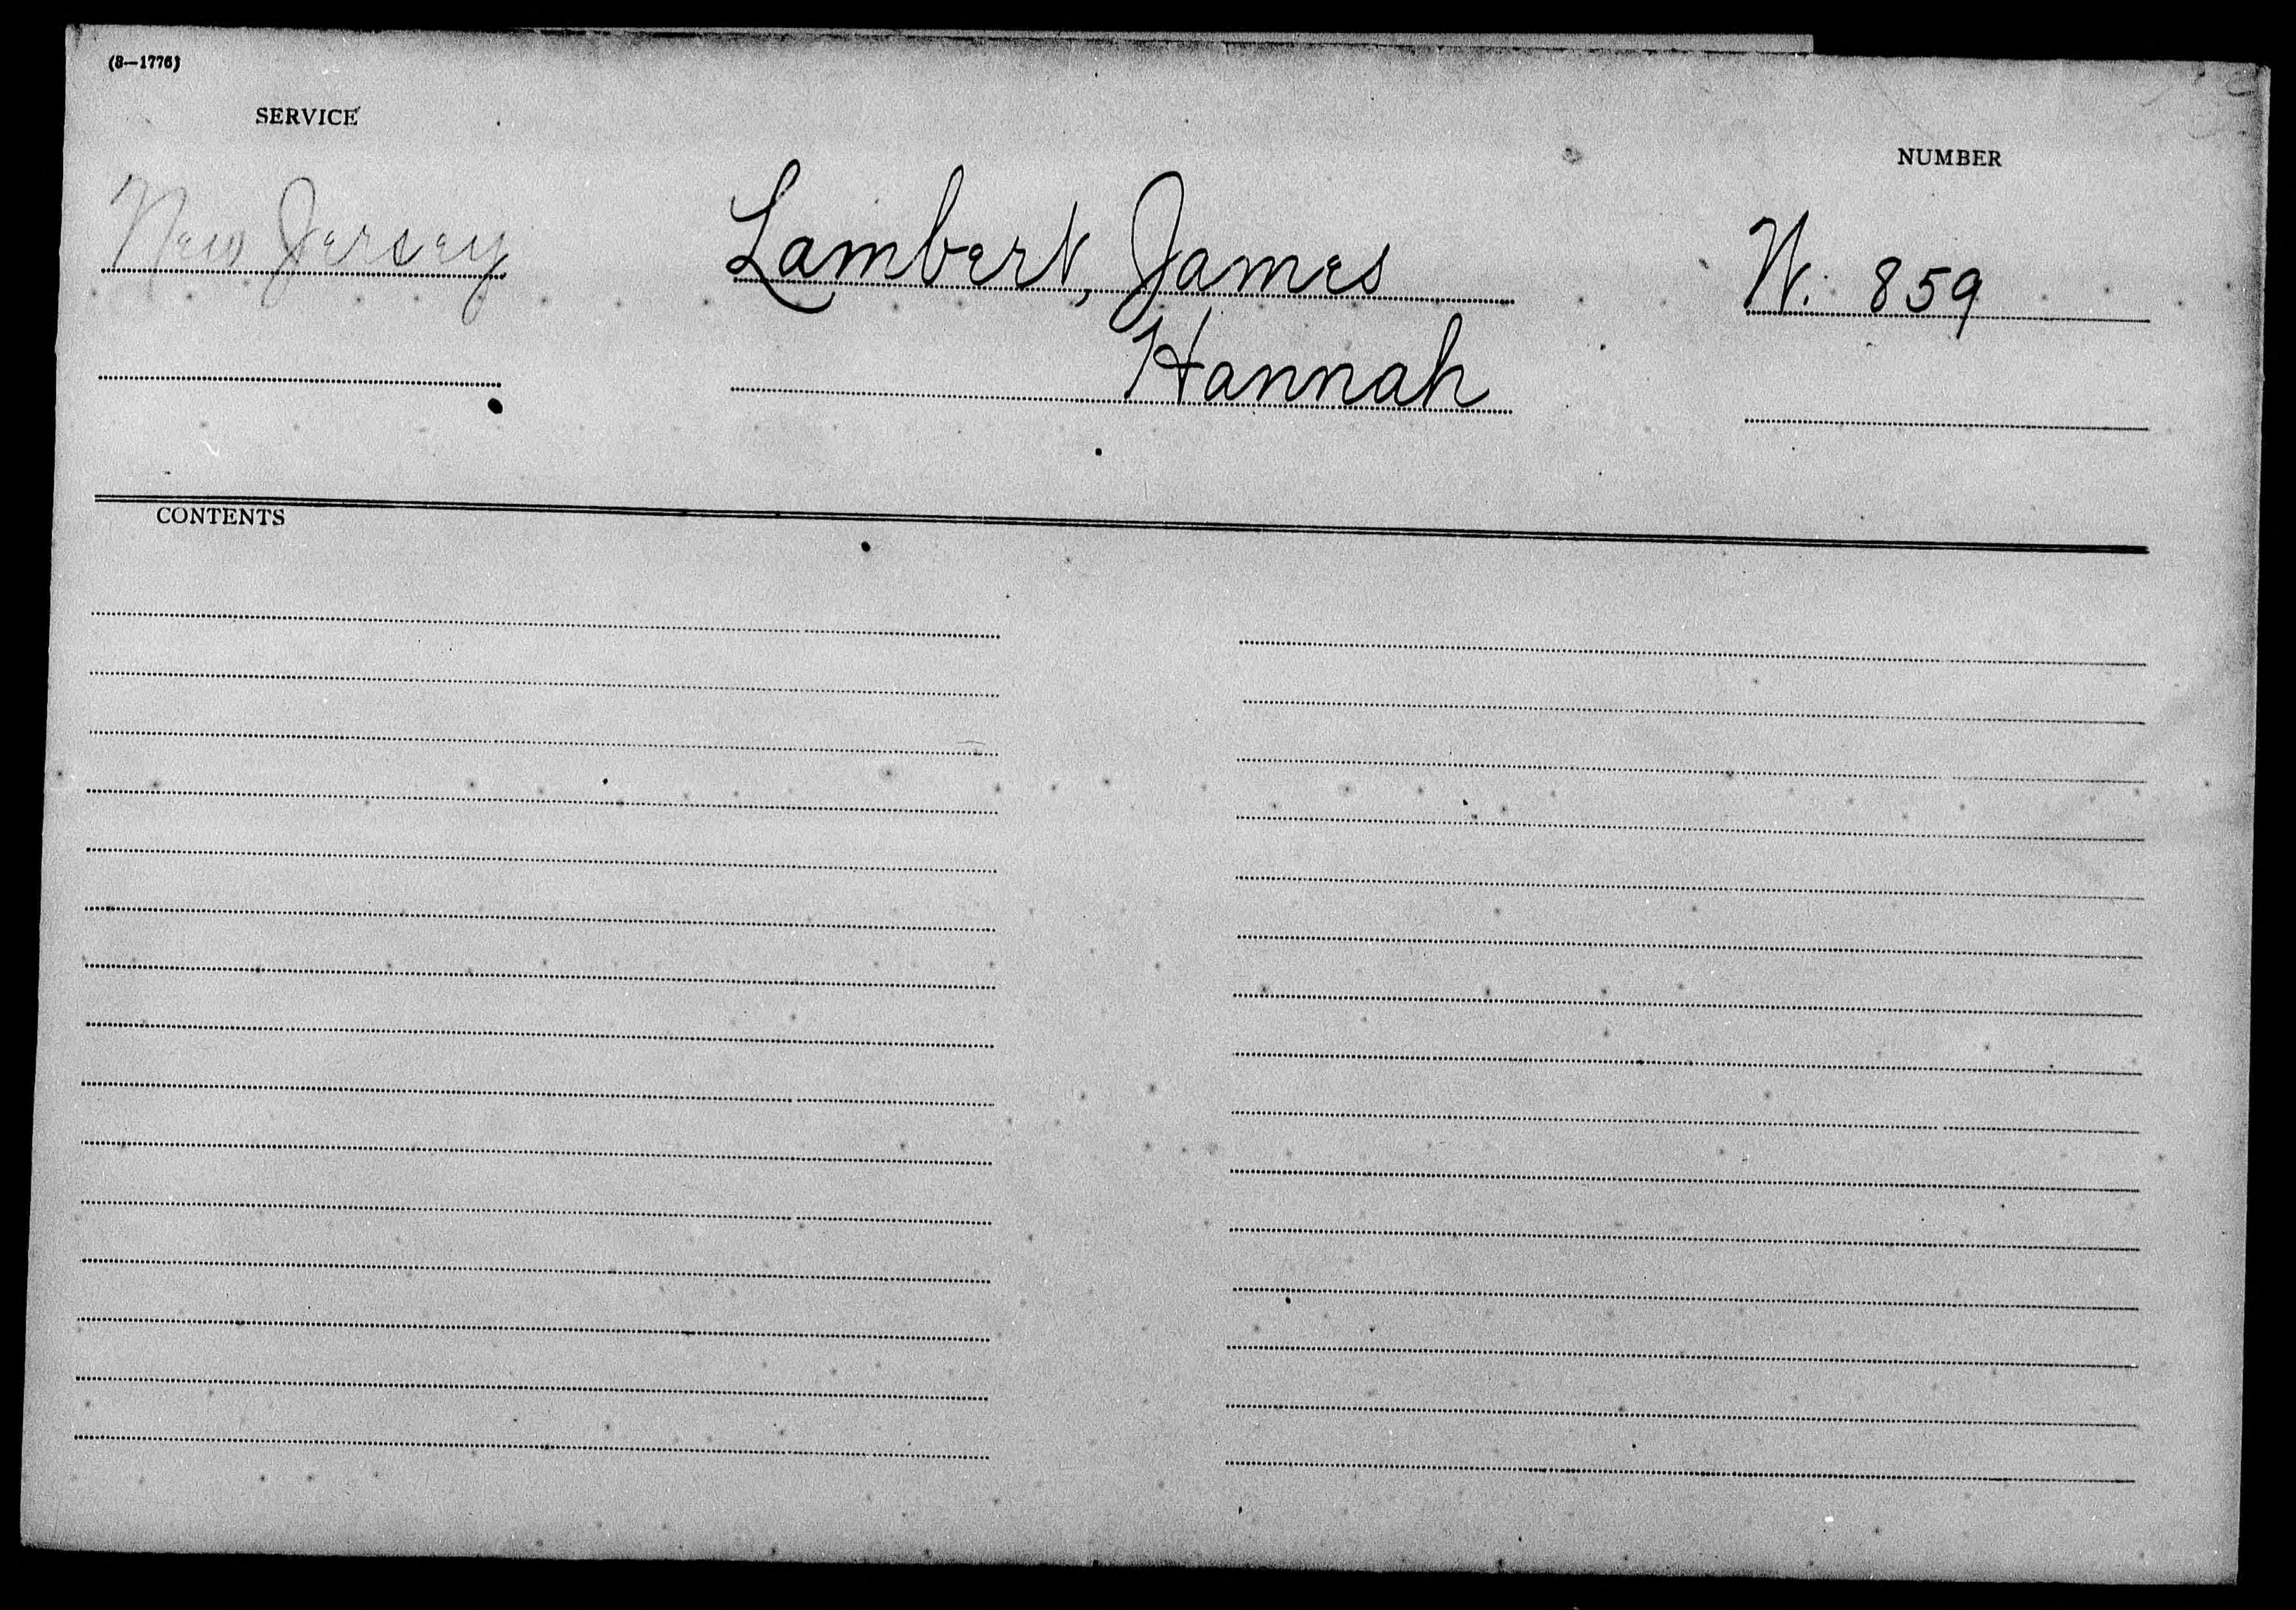SERVICE
New Jersey

Lambert, James
Hannah

NUMBER
W. 859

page: 1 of 49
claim: widow's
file: W. 859, for James Lambert, New Jersey